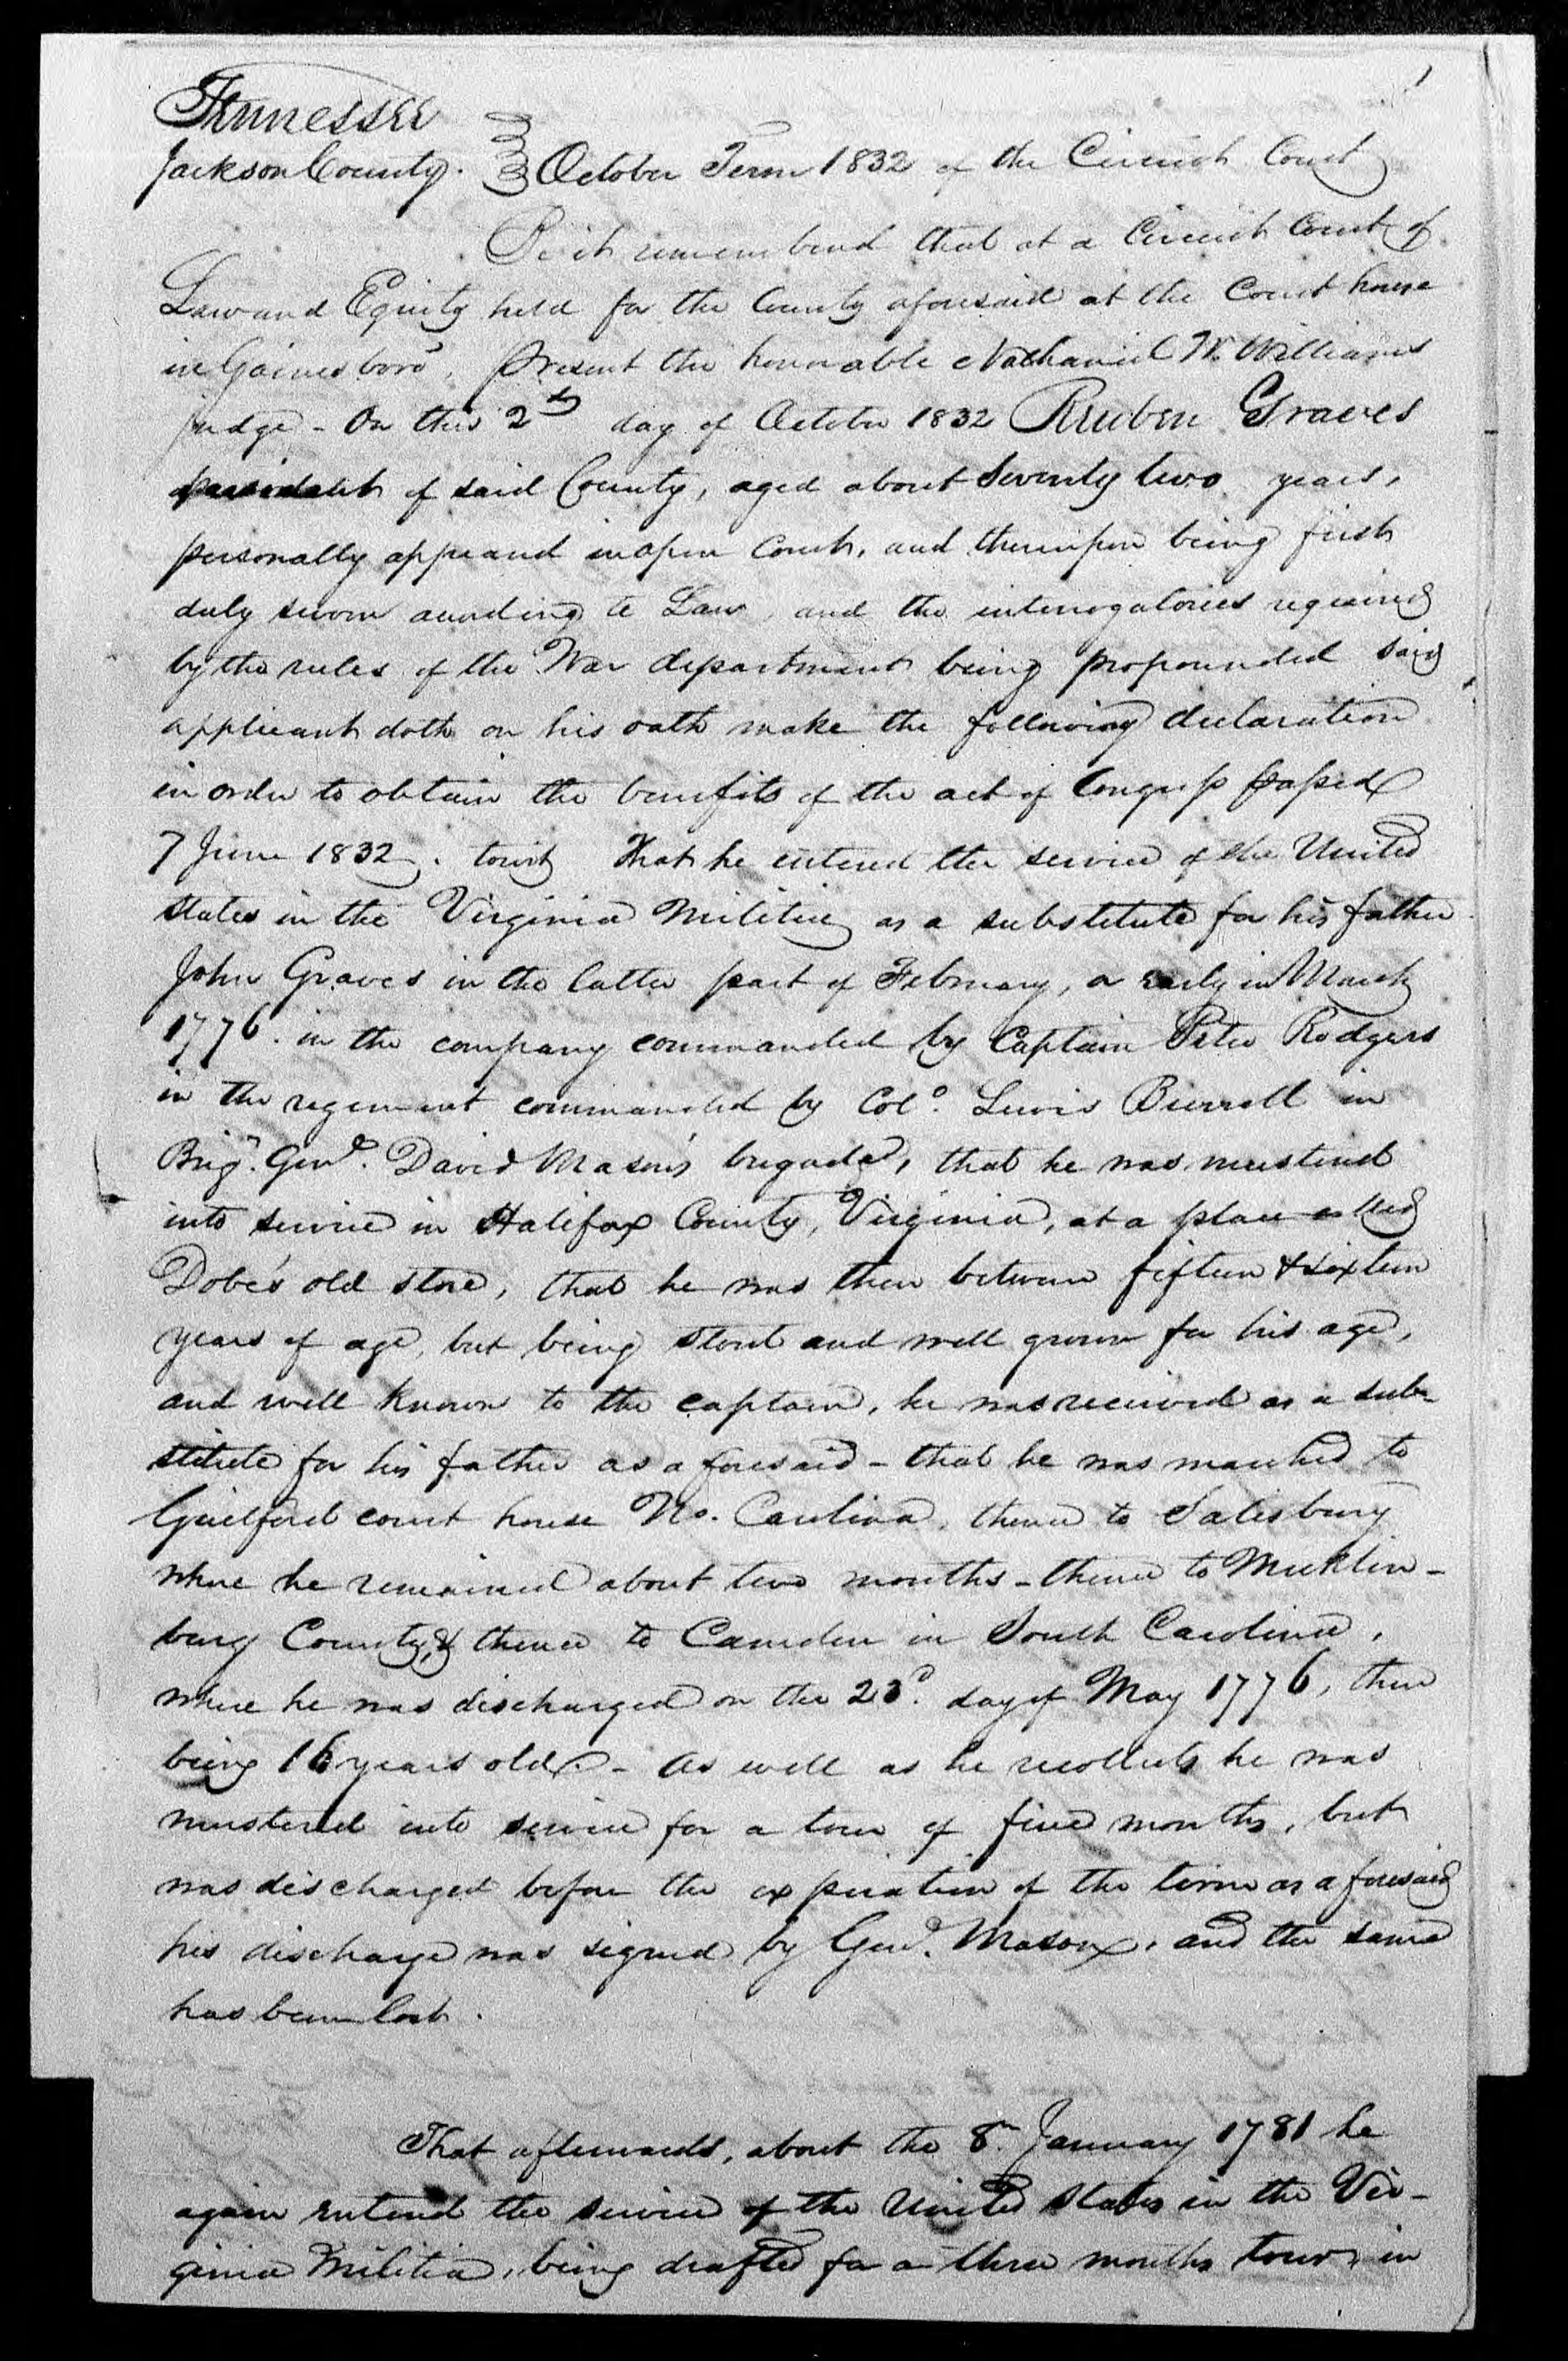Tennessee
Jackson County

October Tenn. 1832  of the Circuit Court

Be it remembered that at a Circuit Court of Law and Equity held for the County aforesaid at the Court house in Gainesboro present the honorable Nathaniel W. Williams Judge on this 2nd day of October 1832 Reuben Graves of said County, aged about seventy two years, personally appeared in open court, and thereupon being first duly sworn according to Law, and the interrogatories requiring by the rules of the War department being propounded said applicant doth on his oath make the following declaration in order to obtain the benefits of the act of Congress passed 7th June 1832, to wit. That he entered the service of the United States in the Virginia Militia as a substitute for his father John Graves in the latter part of February, or early in March 1776 in the company commanded by Captain Peter Rodgers, in the regiment commanded by Col. Lewis Burrell in Brig. General David Mason's brigade, that he was mustered into service in Halifax County, Virginia at a place called Dobe's old store, that he was then between fifteen and sixteen years of age, but being stout and well grown for his age, and well known to the captain, he was received as a substitute for his father as aforesaid, that he was mustered to Guilford Court house North Carolina thence to Salisbury where he remained about two months thence to Mecklenburg County, thence to Camden in South Carolina, where he was discharged on the 23rd day of May 1776 then being 16 years old as well as he recollects he was mustered into service for a term of five months, but was discharged before the expiration of the terms or aforesaid his discharge was signed by General Mason, and the same has been lost.

That afterwards, about the 8th January 1780 he again returned the service of the United States in the Virginia Militia, being drafted for a three months term in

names: Nathaniel W Williams, Mason, Peter Rodgers, John Graves, Lewis Burrell, Reuben Graves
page: 4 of 22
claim: survivor's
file: S. 3408, Reuben Graves, Va.